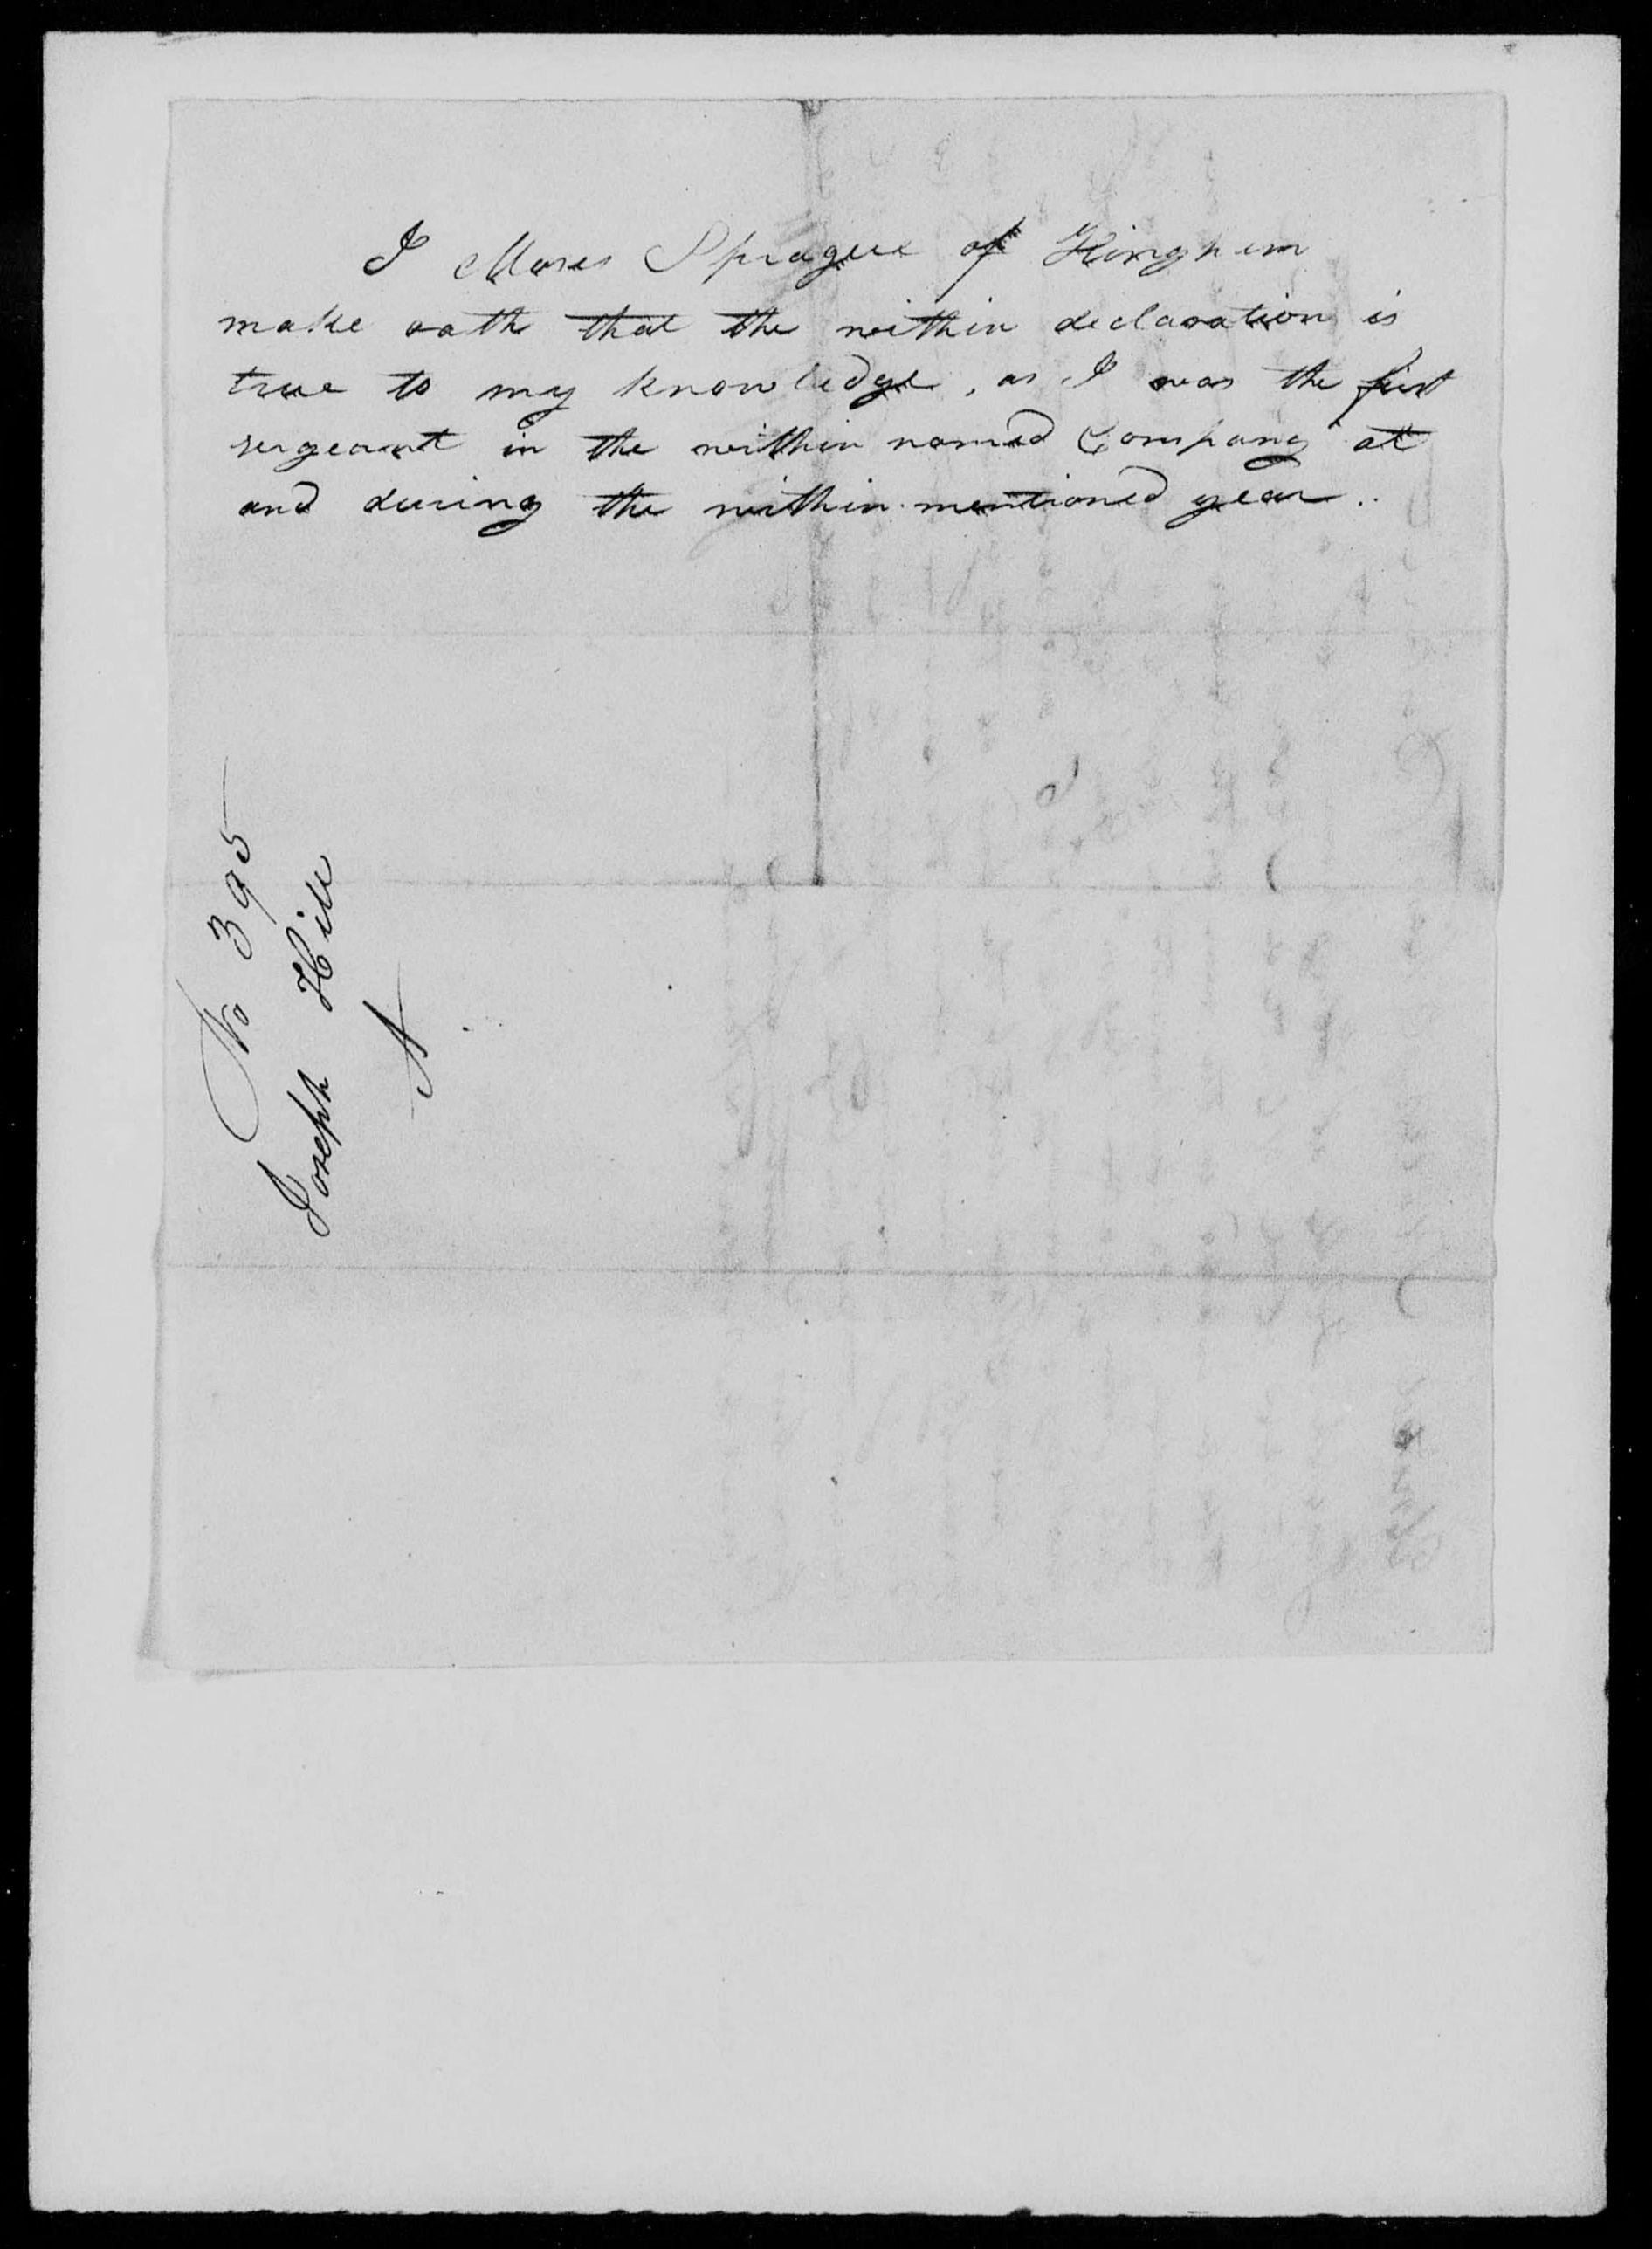I Moses Sprague of Hingham make the oath that the within declaration is true to my knowledge, as I was the first seargeant in the within named company at and during the within mentioned year.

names: Joseph Hill, Moses Sprague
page: 3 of 14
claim: survivor's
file: S. 3,3303, Joseph Hill, Continental (Mass.)